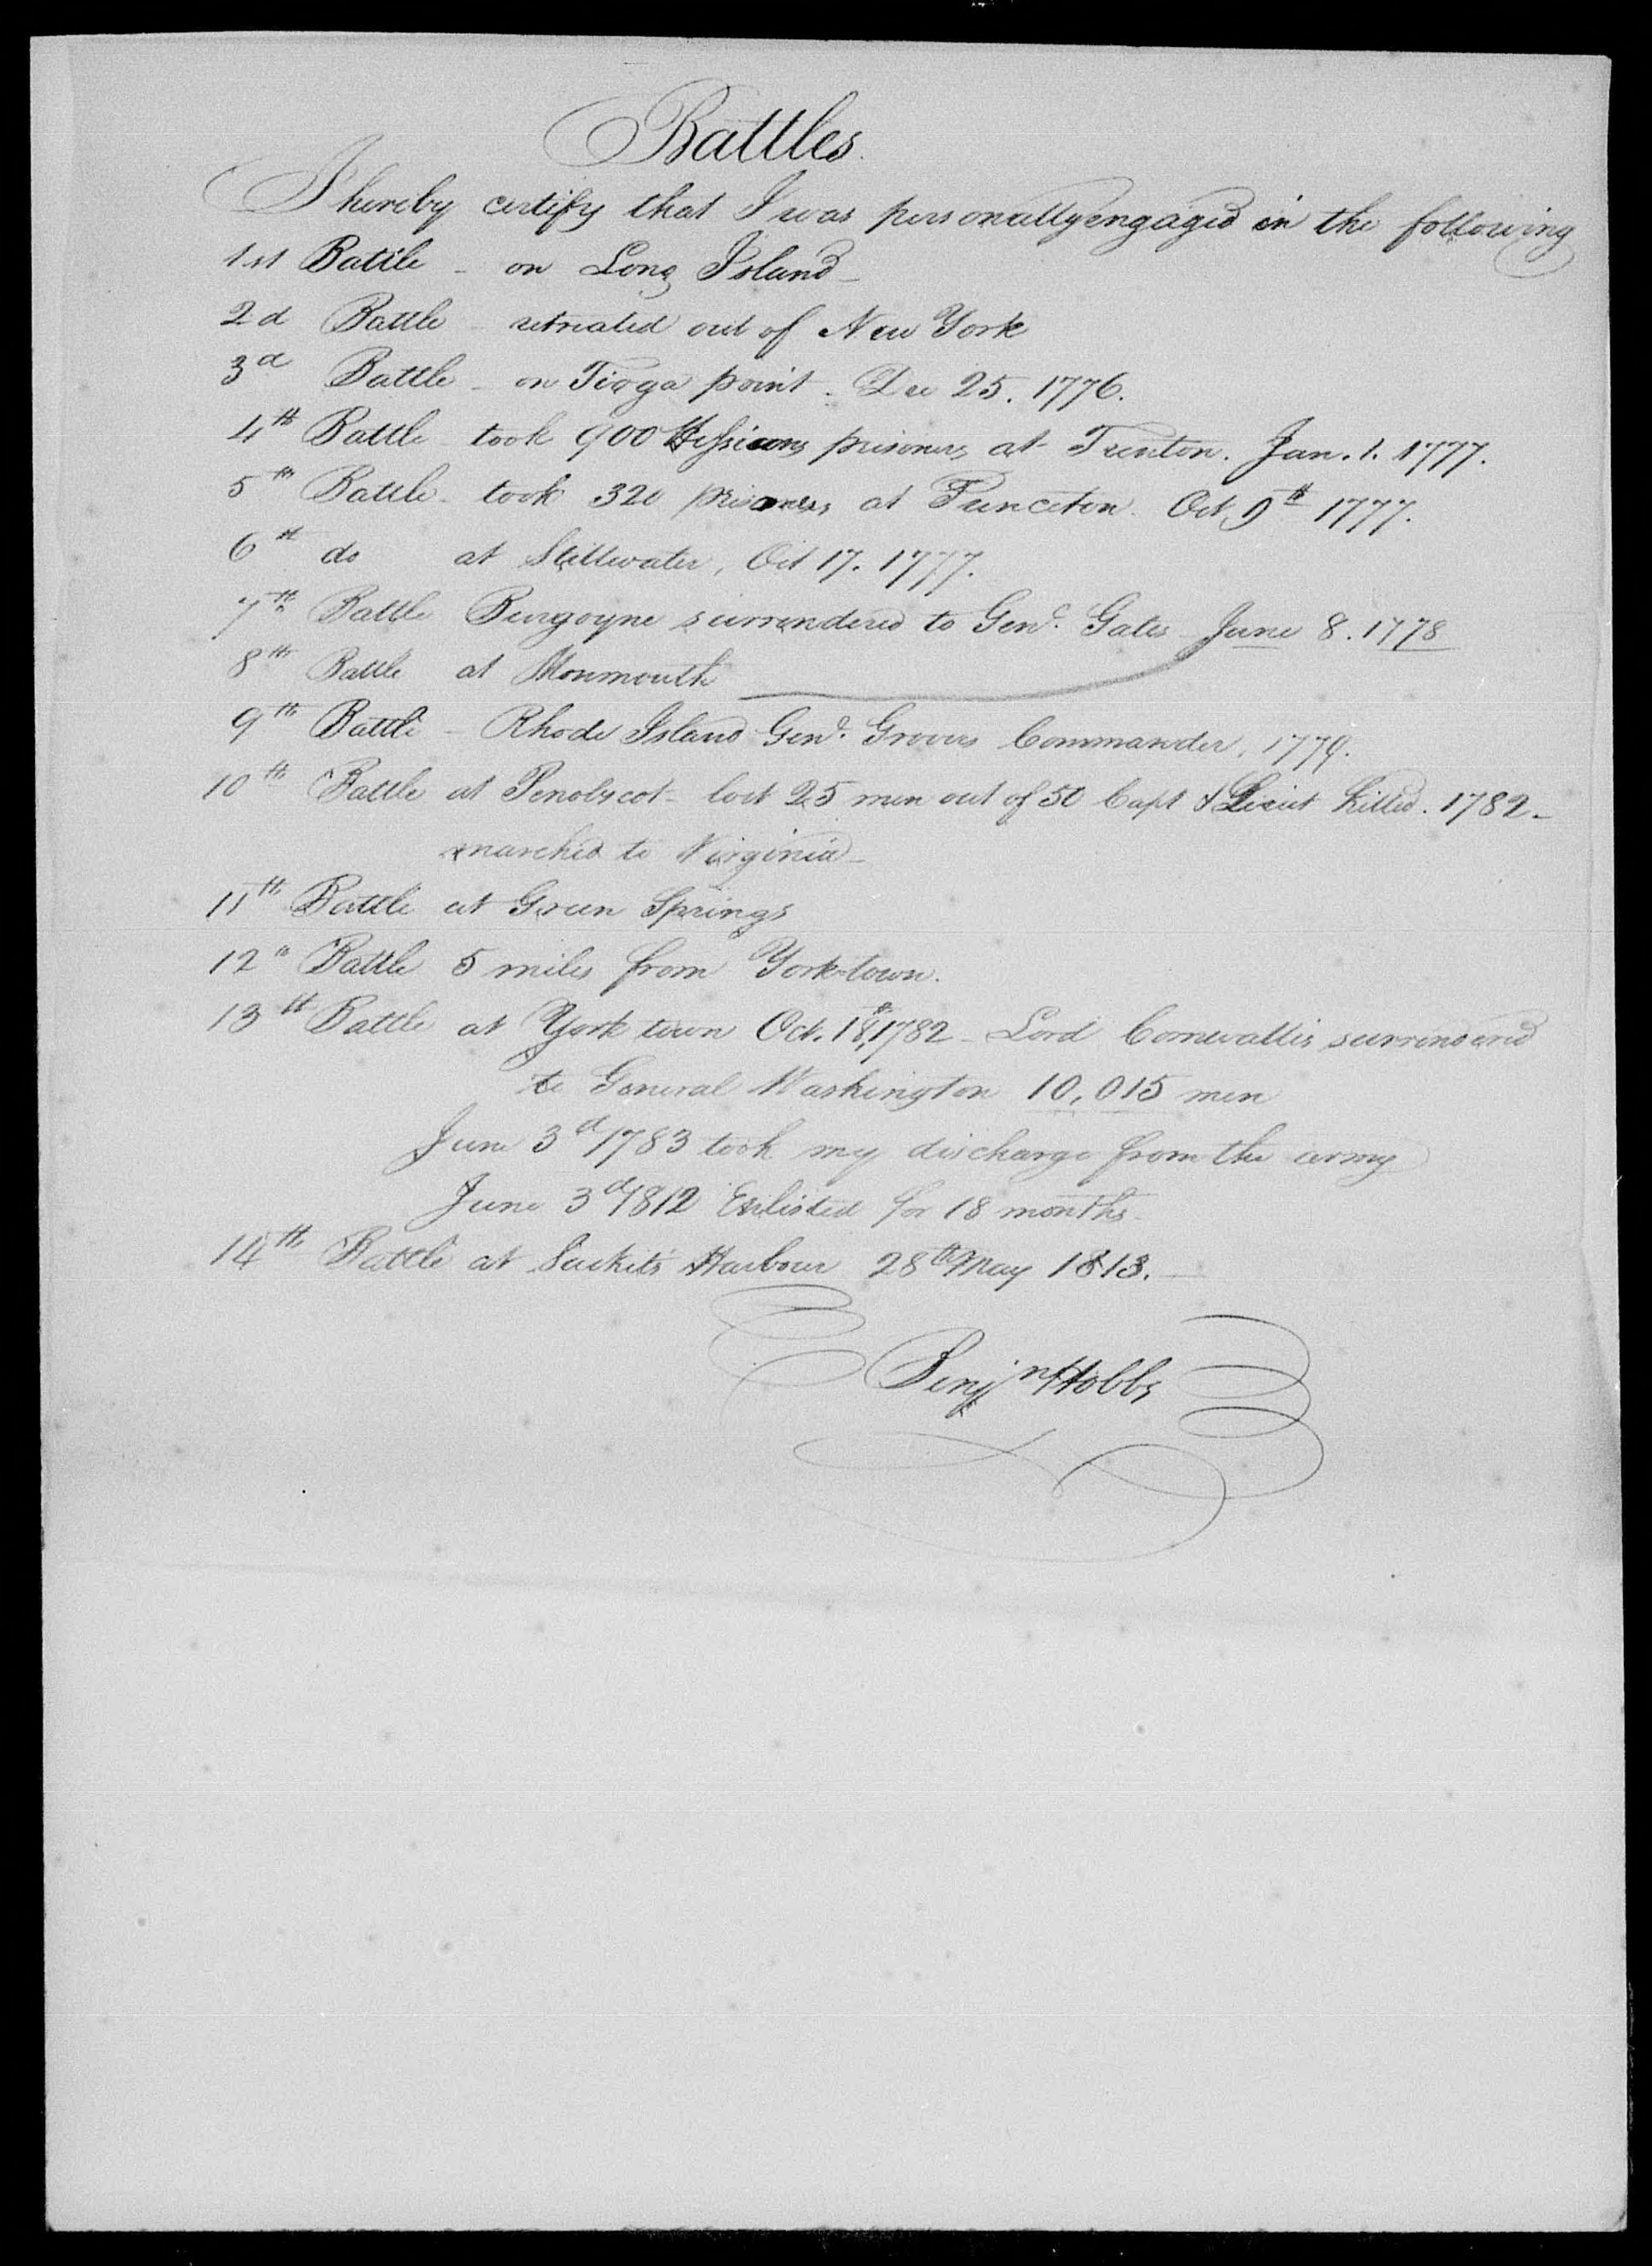Battles

I hereby certify that I was personally engaged in the following

1st Battle - on Long Island.
2nd Battle - retreated out of New York
3d Battle - on Tioga Point. Dec 25, 1776.
4th Battle - took 900 Hessians prisoners at Trenton. Jan. 1. 1777.
5th Battle - took 320 prisoners at Princeton. Oct 9th 1777.
6th do - at Stillwater, Oct 17. 1777.
7th Battle - Bengoyne surrendered to Genl. Gates. June 8. 1778.
8th Battle - at Plymouth
9th Battle - Rhode Island Genl. Grovers Commander, 1779.
10th Battle - at Penolycot. lost 25 men out of 50 Capt & Lieut killed. 1782.

marched to Virginia

11th Battle - at Green Springs
12th Battle - 5 miles from Yorktown.
13th Battle - at Yorktown Oct. 18th 1782. Lord Cornwallis surrendered to General Washington 10,015 men

                     June 3d 1783 took my discharge from the army

                     June 3d 1812 Enlisted for 18 months.

14th Battle at Sackits Habour 28th May 1813.

Benjn Hobbs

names: Benjn Hobbs, Washington, Gates, Cornwallis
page: 11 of 13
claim: survivor's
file: S. 32,846, Benjamin Hobbs, Continental Mass. & War Of 1812